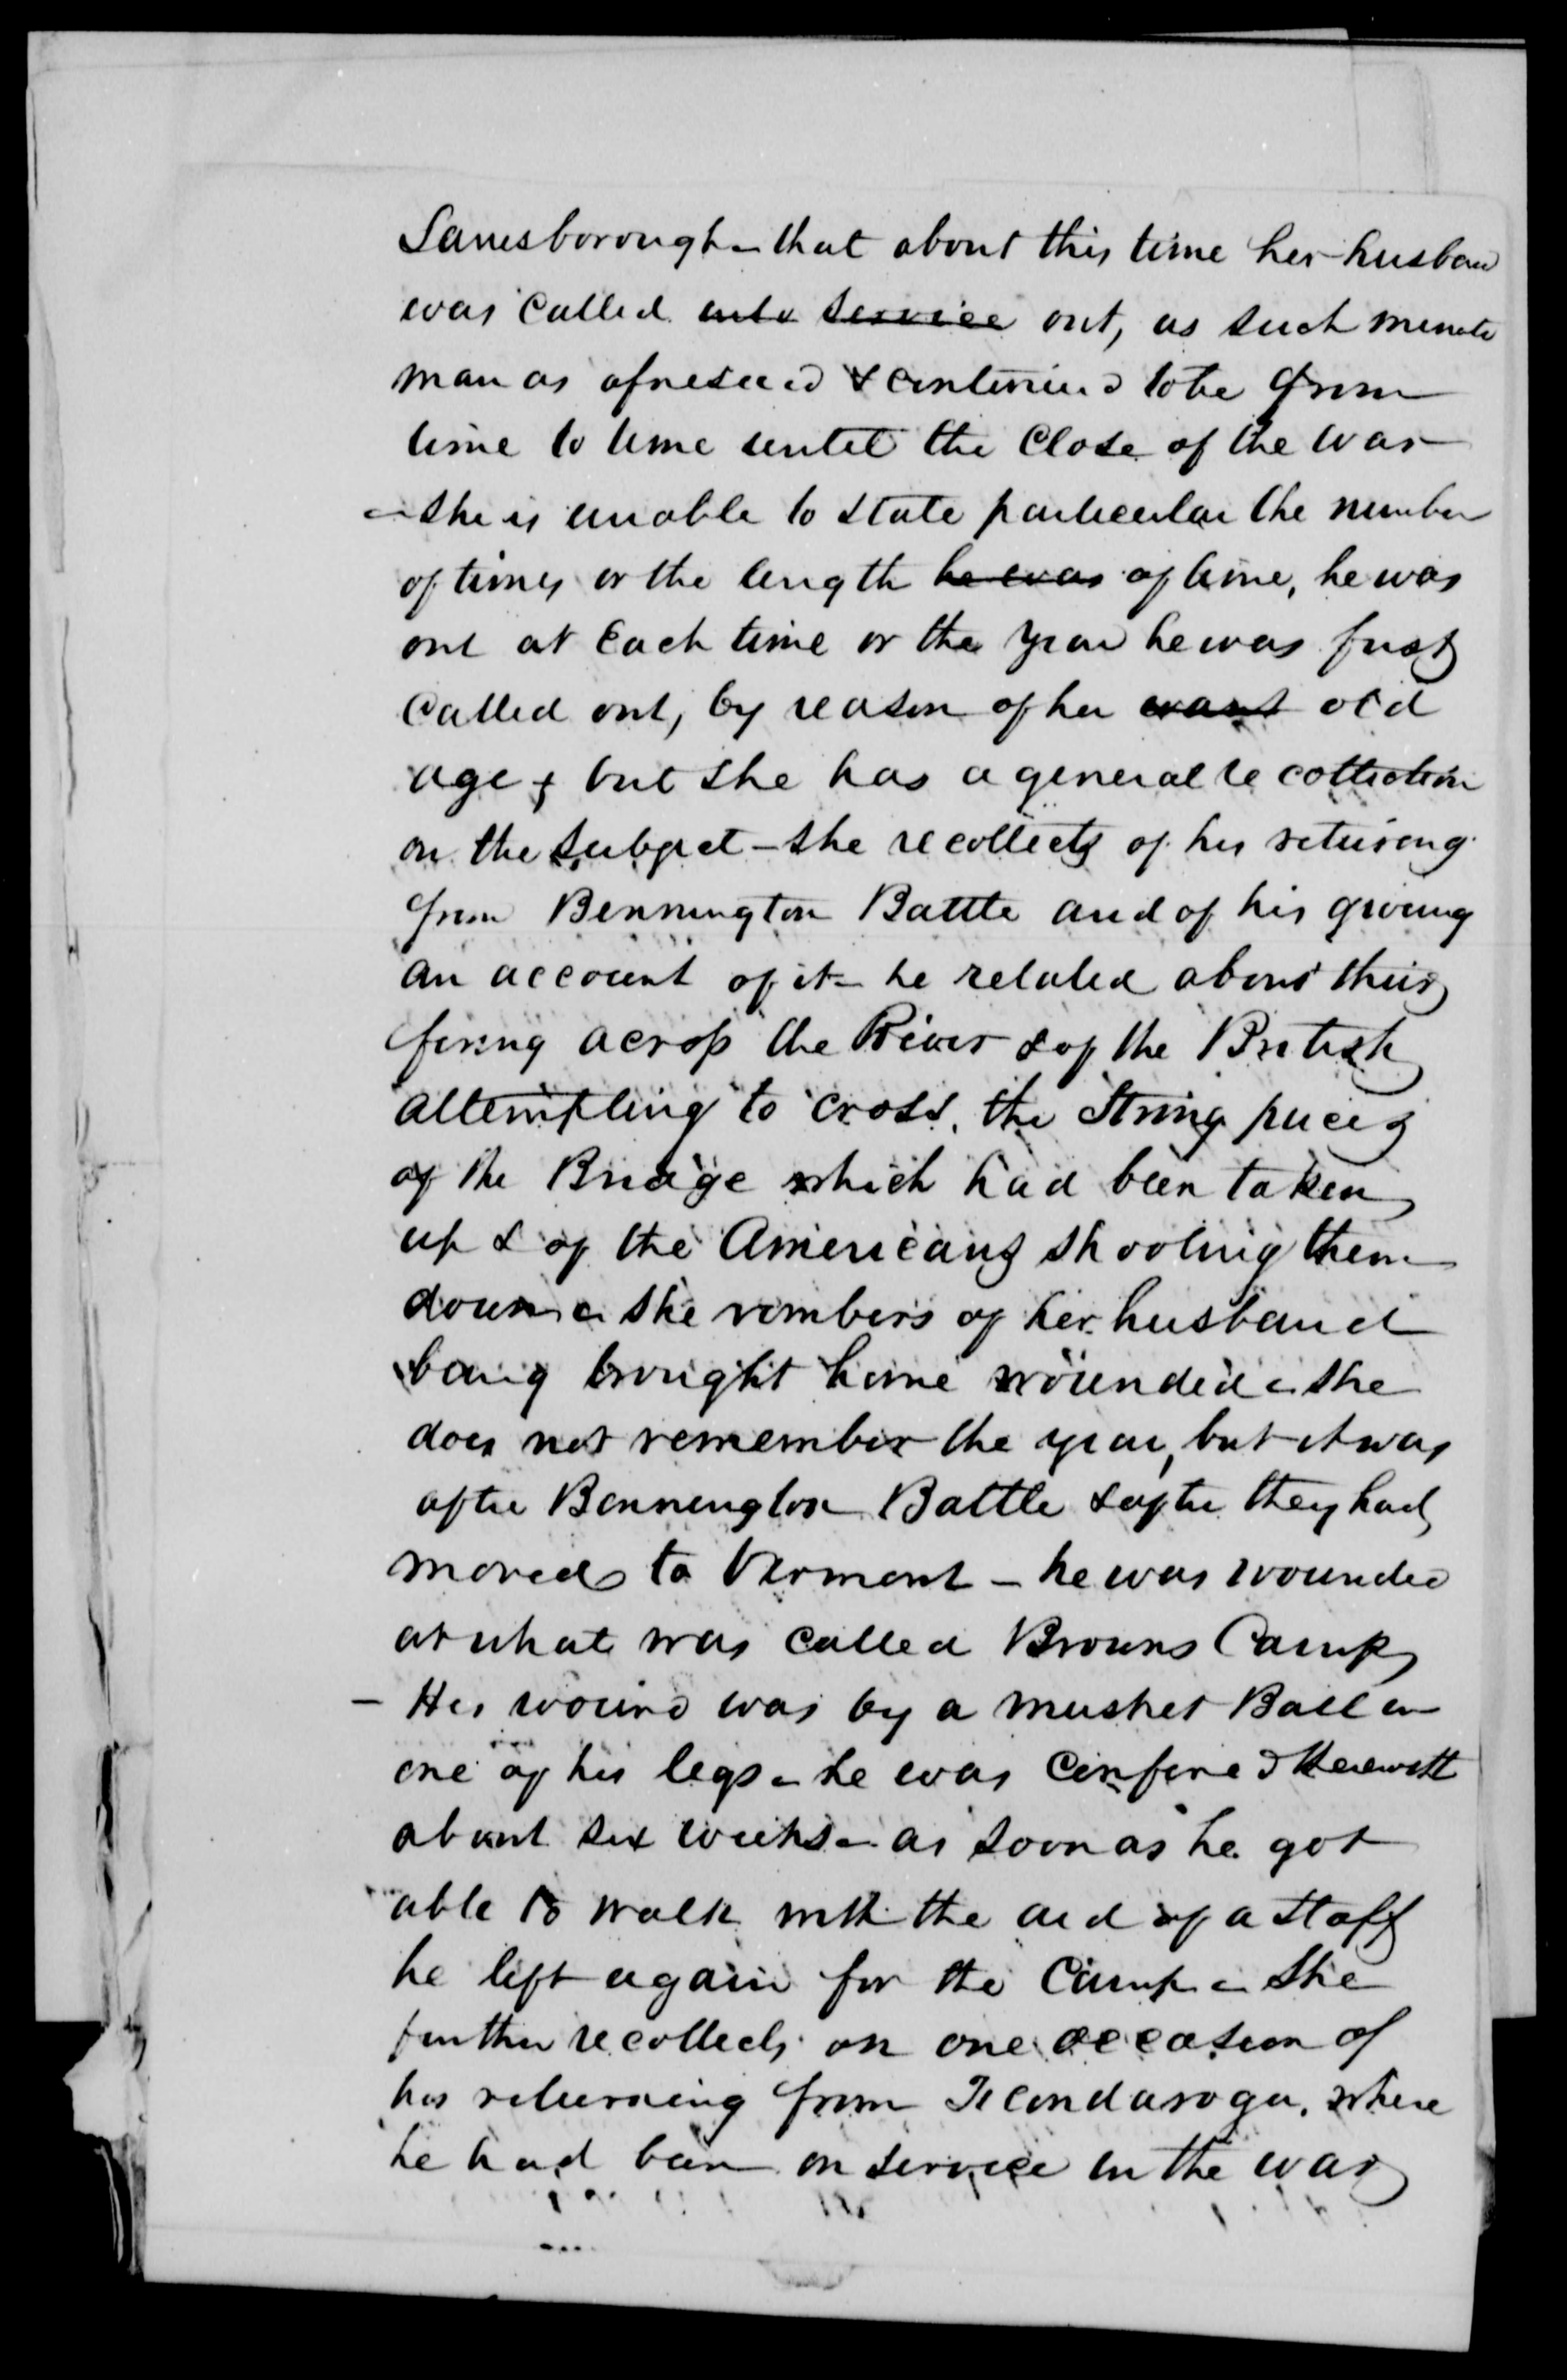Lanesborough that about this time her husband
was called the service out, as such minute
man, as aforesaid & continued to be from
time to time until the close of the war
she is unable to state particular the number
of times of the length he was of time, he was
one at each time or the year he was first
called out, by reason of her at old
age but she has a general be collection
on the subject she recollects of his returning
from Bennington Battle and of his giving
an account of it he related about their
firing across the river & of the British
attempting to cross the String pieces
of the Bridge which had been taken
up & of the Americans shooting them
down she remembers of her husband
being brought home wounded the
does not remember the year, but it was
after Bennington Battle & after they had
moved to Vermont - he was wounded
at what was called Browns Camp
his wound was by a musket Ballon
one of his legs, he was confined therewith
●
about six weeks as soon as he got
able to walk with the aid of a staff
he left again for the camp she
further recollects on one occasion of
his returning from Ticonderoga where
he had been in service in the war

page: 12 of 52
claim: rejected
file: R. 9493, for George Sherman, Vermont